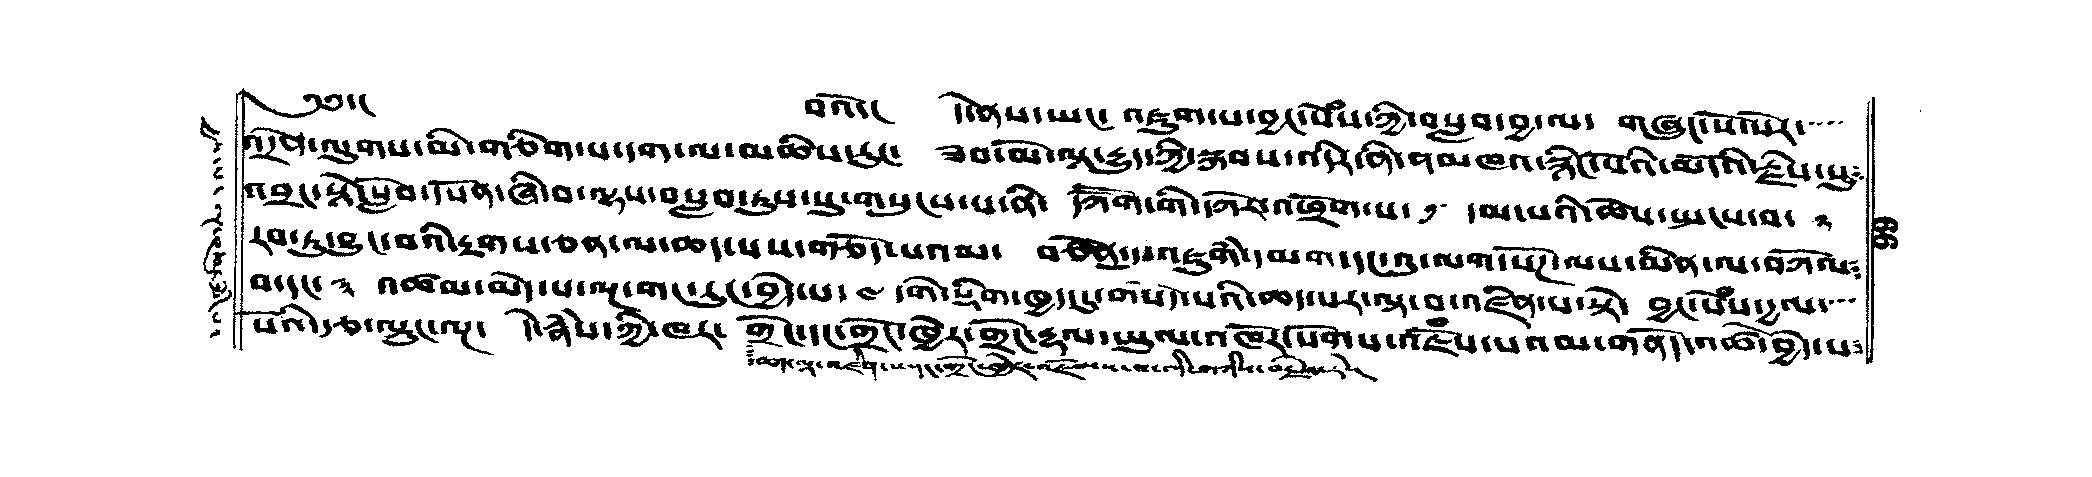བའོ། དེ་ནས་ཡང་འཇུག་པ་བྱང་སེམས་ཀྱི་བསླབ་བྱ་ལ། གཞུང་སོ་སོར་
འདྲེན་ལུགས་མི་གཅིག་པ་དག་ལ་མཆིས་རུང་། ཟབ་མོ་ལྟ་རྒྱུད་ཀྱི་སྐབས་འདིར་ནི་ནམ་མཁའ་སྙིང་པོའི་མདོའི་རྗེས་སུ་
འབྲང་སྟེ་སློབ་དཔོན་ཞི་བ་ལྷས་བསླབས་རུས་སུ་གསུངས་པ་ནི། དཀོན་མཆོག་གི་དཀོར་འཕྲོག་པ། དམ་པའི་ཆོས་སྤངས་བ། 
རབ་ཏུ་བྱུང་བའི་རྟགས་ཅན་ལ་ཆད་པས་གཅོད་པའམ། བཙོན་དུ་འཇུག་གམ་དམག་དང་འུ་ལག་སོགས་ལས་མིན་ལ་བཀོལ་
བ་དང་། འཚམ་མེད་པ་ལྔ་གང་རུང་བྱེད་པ། དགེ་སྡིག་ཁྱད་དུ་གསོད་པའི་ཆད་པར་ལྟ་བ་འཛིན་པ་སྟེ། བྱང་སེམས་རྒྱལ་
པོའི་རྩ་ལྟུང་ལྔ། དེ་རྣམས་ཀྱི་ཁར་། གྲོང་{ཆད་ལྟ་འཛིན་པ་དང་གྲོང་ཁྱེར་འཇོམས་པ་འདི་གཉིས་བརྗེས། }དང་གྲོང་ཁྱེར་གྲོང་རྡལ་ཡུལ་འཁོར་སོགས་འཇོམས་པའམ་གནོད་འཚེ་བྱེད་པ་